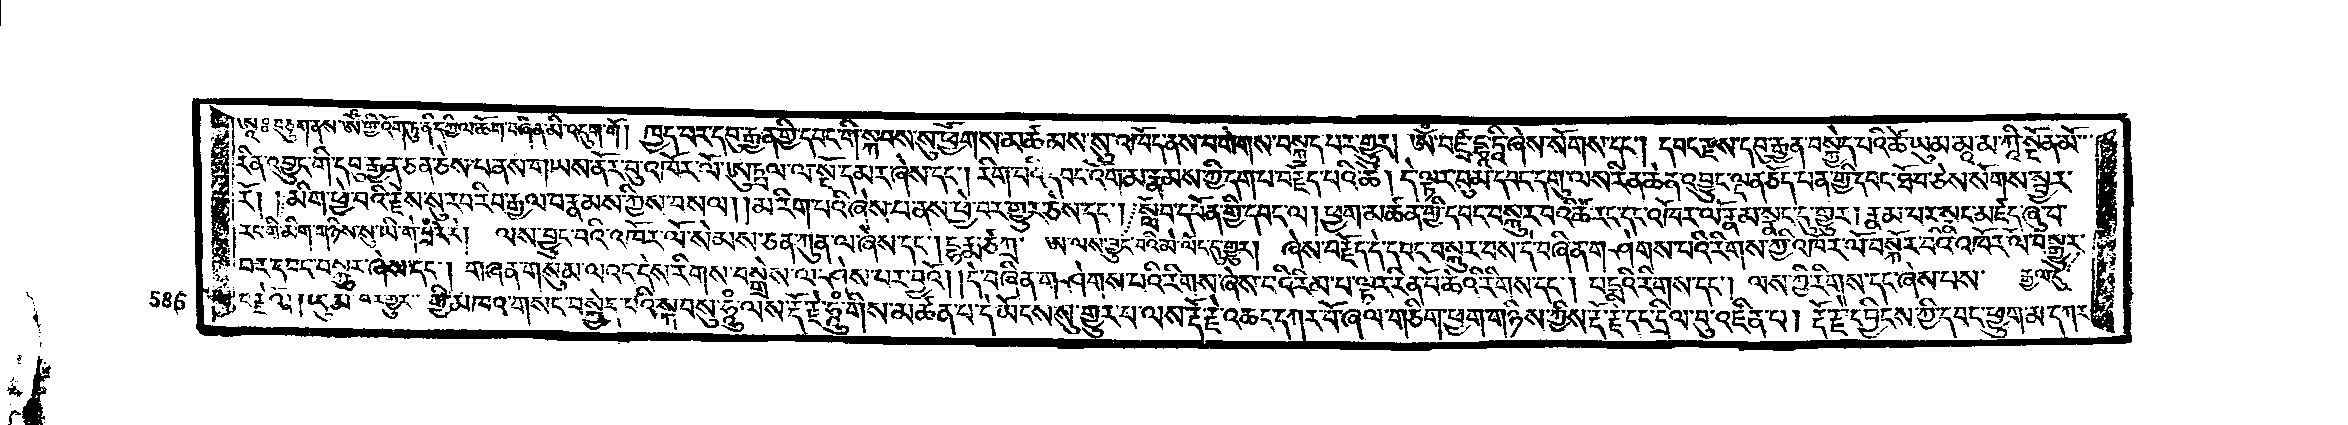ཨཱཿ བཅུག་ནས་ཨོཾ་གྱི་འོག་ཏུ་ནི་དཀྱིལ་ཆོག་བཞིན་མི་འདུག་གོ །ཁྱད་པར་དབུ་རྒྱན་གྱི་དབང་གི་སྐབས་སུ་ཕྱོགས་མཚམས་སུ་འཁོད་ནས་བགེགས་བསྐྲད་པར་གྱུར། ཨོཾ་བཛྲ་དྷཱ་ཏཱི་ཞེས་སོགས་དང་། དབང་རྫས་དབུ་རྒྱན་བསྐྱེད་པའི་ཚེ་ཡུམ་མཱ་མ་ཀཱི་སྔོན་མོ་
རིན་འབྱུང་གི་དབུ་རྒྱན་ཅན་ཅེས་པ་ནས་གཡས་ནོར་བུ་འཁོར་ལོ་ཨུཏྤལ་ལ་སྔོ་དམར་ཞེས་དང་། རིག་པའི་དབང་འོག་མ་རྣམས་ཀྱི་དག་པ་བརྗོད་པའི་ཚེ། དེ་ལྟར་བུམ་དབང་དགུ་ལས་རིན་ཆེན་འབྱུང་ལྡན་ཅོད་པན་གྱི་དབང་ཐོབ་ཅེས་སོགས་སྦྱར་
རོ། །མིག་ཕྱེ་བའི་རྗེས་སུ་རབ་རིབ་རྒྱལ་བ་རྣམས་ཀྱིས་བསལ། །མ་རིག་པའི་ཞེས་པ་ནས་ཕྱེ་བར་གྱུར་ཅེས་དང་། སློབ་དཔོན་གྱི་དབང་ལ། ཕྱག་མཚན་གྱི་དབང་བསྐུར་བའི་ཚེ་རང་དང་འཁོར་ལོ་རྣམ་སྣང་དུ་གྱུར། རྣམ་པར་སྣང་མཛད་ཞུ་བ་
རང་གི་མིག་གཉིས་སུ་ཡི་གེ་པྲཾ་ར་རེ། ལས་བྱུང་བའི་འཁོར་ལོ་སེམས་ཅན་ཀུན་ལ་ཞེས་དང་། དྷརྨ་ཙཀྲ་ཨ་ལས་བྱུང་བའི་མེ་ལོང་དུ་གྱུར། ཞེས་བརྗོད་དེ་དབང་བསྐུར་བས་དེ་བཞིན་གཤེགས་པའི་རིགས་ཀྱི་འཁོར་ལོ་བསྐོར་བའི་འཁོར་ལོ་བསྒྱུར་
བར་དབང་བསྐུར་ཞེས་དང་། གཞན་གསུམ་ལའང་དེས་རིགས་བསྒྲེས་ལ་ཤེས་པར་བྱའོ། །དེ་བཞིན་གཤེགས་པའི་རིགས་ཞེས་པའི་རིམ་པ་ལྟར་རིན་པོ་ཆེའི་རིགས་དང་། པདམའི་རིགས་དང་། ལས་ཀྱི་རིགས་དང་ཞེས་པས་རྒྱལ་དུ
བརྗེའོ། །ཡུམ་བར་གྱུར་གྱི་མཁའ་གསང་བསྐྱེད་པའི་སྐབས་སུ་ཧཱུཾ་ལས་རྡོ་རྗེ་ཧཱུཾ་གིས་མཚན་པ་དེ་ཡོངས་སུ་གྱུར་པ་ལས་རྡོ་རྗེ་འཆང་དཀར་པོ་ཞལ་གཅིག་ཕྱག་གཉིས་ཀྱིས་རྡོ་རྗེ་དང་དྲིལ་བུ་འཛིན་པ། རྡོ་རྗེ་དབྱིངས་ཀྱི་དབང་ཕྱུག་མ་དཀར་